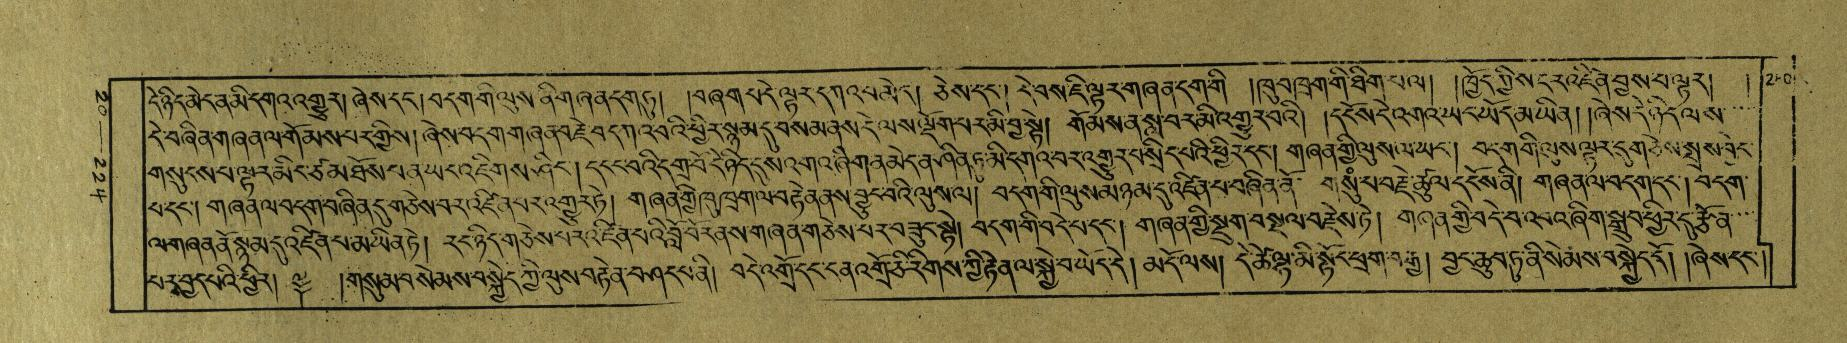དེ་ཉིད་མེད་ན་མི་དགའ་འགྱུར། ཞེས་དང་། བདག་གི་ལུས་ནི་གཞན་དག་ཏུ། །བཞག་པ་དེ་ལྟར་དཀའ་བ་མེད། ཅེས་དང་། དེ་བས་ཇི་ལྟར་གཞན་དག་གི །ཁུ་བ་ཁྲག་གི་ཐིག་པ་ལ། །ཁྱོད་ཀྱིས་ངར་འཛིན་བྱས་པ་ལྟར། །
དེ་བཞིན་གཞན་ལ་གོམས་པར་གྱིས། ཞེས་བདག་གཞན་བརྗེ་བ་དཀའ་བའི་ཕྱིར་སྙམ་དུ་བསམ་ནས་དེ་ལས་ལྡོག་པར་མི་བྱ་སྟེ། གོམས་ན་སླ་བར་མི་འགྱུར་བའི། །དངོས་དེ་འགའ་ཡང་ཡོད་མ་ཡིན། །ཞེས་དེ་ཉིད་ལས་
གསུངས་པ་ལྟར་མིང་ཙམ་ཐོས་པ་ན་ཡང་འཇིགས་ཤིང་། དངང་བའི་དགྲ་བོ་དེ་ཉིད་དུས་འགའ་ཞིག་ན་མེད་ན་ཤིན་ཏུ་མི་དགའ་བར་འགྱུར་པ་སྲིད་པའི་ཕྱིར་དང་། གཞན་གྱི་ལུས་ལ་ཡང་། བདག་གི་ལུས་ལྟར་དུ་གཅེས་སྤྲས་བྱེད་
པ་དང་། གཞན་ལ་བདག་བཞིན་དུ་གཅེས་བར་འཛིན་པར་འགྱུར་ཏེ། གཞན་གྱི་ཁུ་ཁྲག་ལ་བརྟེན་ནས་བྱུང་བའི་ལུས་ལ། བདག་གི་ལུས་མཉམ་དུ་འཛིན་པ་བཞིན་ནོ། གསུཾ་པ་བརྗེ་ཚུལ་དངོས་ནི། གཞན་ལ་བདག་དང་། བདག་
ལ་གཞན་ནོ་སྙམ་དུ་འཛིན་པ་མ་ཡིན་ཏེ། རང་ཉིད་གཅེས་པར་འཛིན་པའི་བློ་བོར་ནས་གཞན་གཅེས་པར་བཟུང་སྟེ། བདག་གི་བདེ་པ་དང་། གཞན་གྱི་སྡུག་བསྔལ་བརྗེས་ཏེ། གཞན་གྱི་བདེ་བ་འབའ་ཞིག་སྒྲུབ་ཕྱིར་དུ་རྩོན་
པར་བྱད་པའི་ཕྱིར། ༈ །གསུམ་བ་སེམས་བསྐྱེད་ཀྱི་ལུས་བརྟེན་བཤད་པ་ནི། བདེ་འགྲོ་དང་ངན་འགྲོ་ཅི་རིགས་ཀྱི་རྟེན་ལ་སྐྱེ་བ་ཡོད་དེ། མདོ་ལས། དེ་ཚེ་ལྷ་མི་སྟོང་ཕྲག་བརྒྱ། བྱང་ཆུབ་ཏུ་ནི་སེམས་བསྐྱེད་དོ། །ཞེས་དང་།